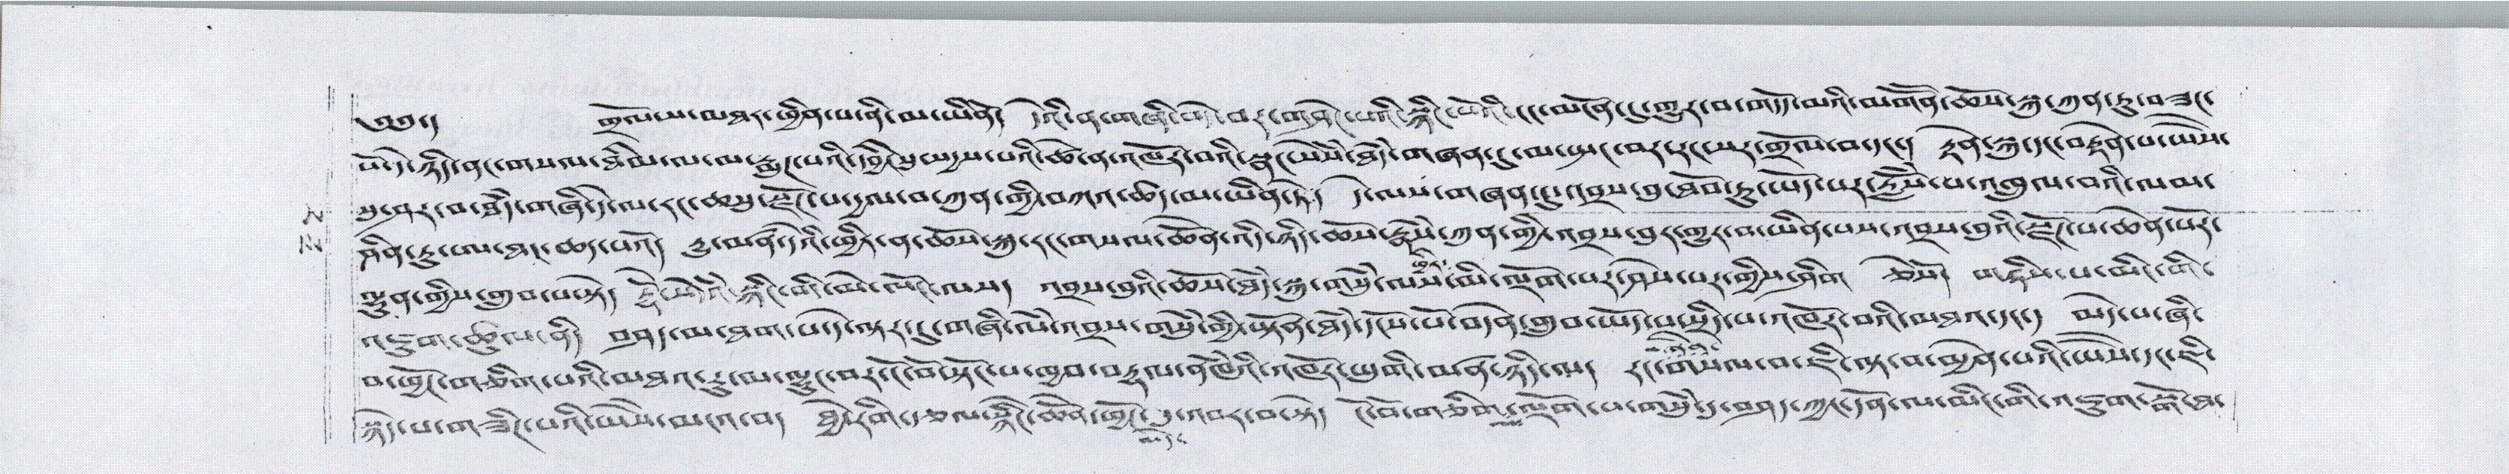གྲོལ་ས་མཐར་ཕྱིན་པ་ནི་མ་ཡིན་ནོ། དེའི་ན་གཞི་བདེ་བར་གཤེགས་པའི་སྙིང་པོའི་ངང་མངོན་དུ་གྱུར་བ་གདོད་མའི་མགོན་པོ་ཆོས་སྐུ་ཀུན་ཏུ་བཟང་
པོ་དེ་ཉིད་ནང་གསལ་ཐིམ་ལ་མ་རྨུགས་པའི་དབྱིངས་སུ་སངས་རྒྱས་པའི་ཚེ་ན་འཁོར་བའི་སྣང་སེམས་ཐམས་ཅད་གཞན་དུ་མ་སྤང་བར་རང་སར་གྲོལ་བ་དང། རྟེན་སྐུ་དང་བརྟེན་པ་ཡེ་ཤེས་
སུ་ཤར་བ་ཐམས་ཅད་གཞི་དེ་ལ་རང་ཆས་སུ་རྫོགས་པ་རྒྱལ་བ་ཀུན་གྱི་བཀའ་ཚད་མ་ཡིན་ཏེ། དེ་ལས་གཞན་དུ་འབྲས་བུ་ཐོབ་ཏུ་ཡོད་པར་རློམས་པ་འཁྲུལ་བའི་ལམ་
ཤིན་ཏུ་ཨ་ཐང་ཆད་པའོ། རྒྱུ་མཚན་དེའི་ཕྱིར་ན་ཆོས་སྐུ་རང་གསལ་ཆེན་པོ་འདི་ཉིད་ཆོས་རྣམས་ཀུན་གྱི་འབྲས་བུར་གྱུར་བ་ཡིན་པས་འབྲས་བུའི་རྫོགས་པ་ཆེན་པོར་
ལྷུན་གྱིས་གྲུབ་པ་སྟེ། རྡོ་རྗེ་སེམས་དཔའི་སྙིང་གི་མེ་ལོང་ལས། འབྲས་བུའི་ཆོས་ཐམས་ཅད་སྐུ་གསུམ་ལས་ཕྱིར་མི་ལྡོག་པར་ཤེས་པར་གྱིས་ཤིག ཅེས་སོ། གཉིས་པ་མིང་གི་
འཇུག་ཚུལ་ནི། བཤད་མ་ཐག་པ་དེ་ལྟར་དུ་གཞི་ལམ་འབྲས་གསུམ་གྱི་ཡོན་ཏན་ཐམས་ཅད་དངོས་པོ་བདེན་གྲུབ་ཡོད་པ་སྲིད་པ་འཁོར་བའི་མཐའ་དང། མེད་པ་ཞི་
བ་ཕྱོགས་གཅིག་པའི་མཐའ་རུ་མ་ལྷུང་བར་ངོ་བོ་སྟོང་པ་ཁྱབ་བརྡལ་ནམ་མཁའི་འཁོར་ཡུག་གི་མཚན་ཉིད་ལ། རང་བཞིན་གསལ་བ་ཇི་ལྟ་བ་མཁྱེན་པའི་ཡེ་ཤེས་དང་ཇི་
སྙེད་པ་གཟིགས་པའི་ཡེ་ཤེས་མངའ་བ། ཐུགས་རྗེ་རིག་རྩལ་སྙིང་རྗེ་ཆེན་པོ་ཕྱོགས་མེད་དུ་འབར་བ་སྟེ། ངོ་བོ་གཅིག་ལ་ལྡོག་པ་གསུམ་དུ་བཤད་ཀྱང་དོན་ལ་མིང་གི་འཇུག་སྒོ་ཐ་